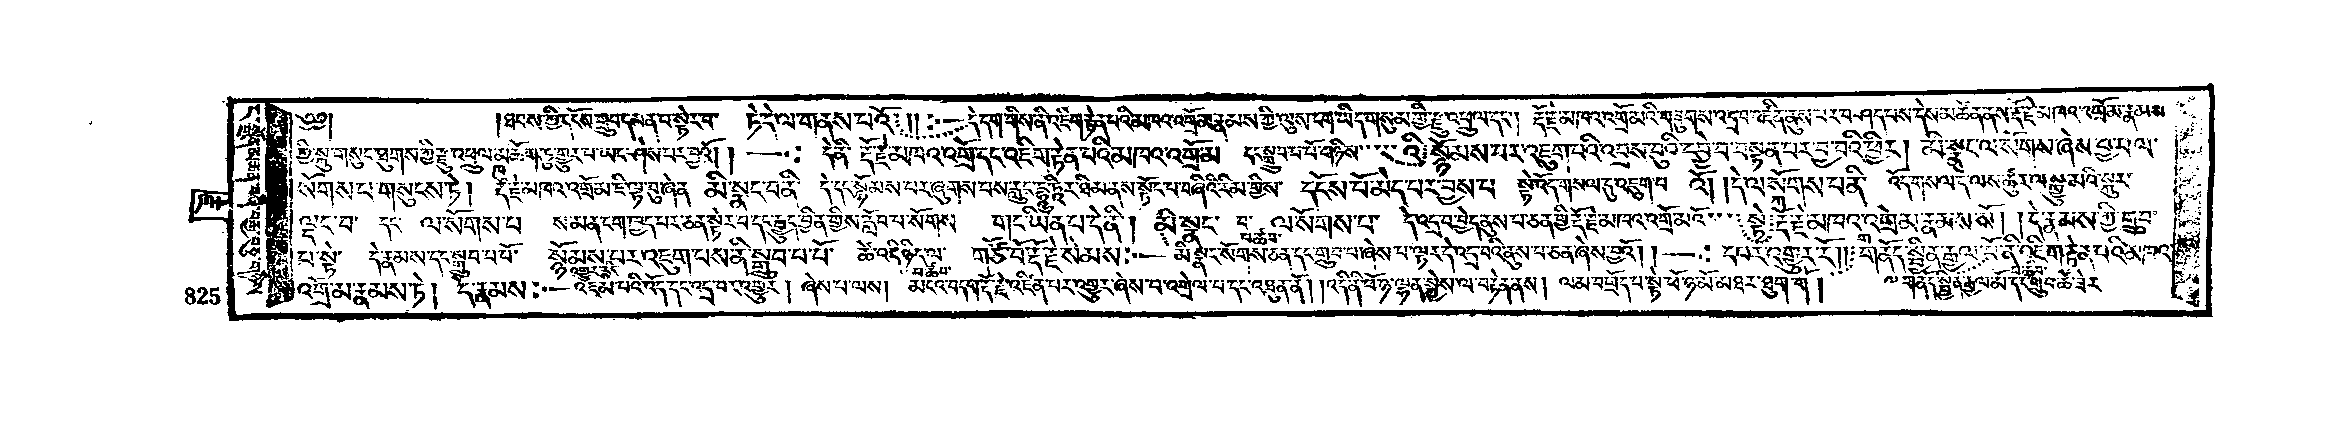༄༅། ། ཐབས་ཀྱི་དངོས་གྲུབ་དམན་པ་སྟེར་བ་ཏེ་དེ་ལ་གནས་པའོ།། H.་དེ་དག་གིས་ནི་འཇིག་རྟེན་པའི་མཁའ་འགྲོ་མ་རྣམས་ཀྱི་ལུས་ངག་ཡིད་གསུམ་གྱི་རྫུ་འཕྲུལ་དང་། རྡོ་རྗེ་མཁའ་འགྲོ་མའི་གཟུགས་འདྲ་བ་འཛིན་ནུས་པར་བཤད་པས་དེས་མཚོན་ནས་རྡོ་རྗེ་མཁའ་འགྲོ་མ་རྣམས་
ཀྱི་སྐུ་གསུང་ཐུགས་ཀྱི་རྫུ་འཕྲུལ་མཆོག་ཏུ་གྱུར་པ་ཡང་ཤེས་པར་བྱའོ། །.H དེ་ནི་རྡོ་རྗེ་མཁའ་འགྲོ་དང་འཇིག་རྟེན་པའི་མཁའ་འགྲོ་མ་དང་སྒྲུབ་པ་པོ་གཉིས་འི་སྙོམས་པར་འཇུག་པའི་འབྲས་བུའི་དབྱེ་བ་བསྟན་པར་བྱ་བའི་ཕྱིར། མི་སྣང་ལ་སོགས་ཞེས་བྱ་བ་ལ་
སོགས་པ་གསུངས་ཏེ། རྡོ་རྗེ་མཁའ་འགྲོ་མ་ཇི་ལྟ་བུ་ཞེ་ན་མི་སྣང་བ་ནི་དེ་དང་སྙོམས་པར་ཞུགས་པས་རླུང་དྷཱུ་ཏཱིར་ཐིམ་ནས་སྟོང་པ་བཞིའི་རིམ་གྱིས་དངོས་པོ་མེད་པར་བྱས་པ་སྟེ་འོད་གསལ་དུ་འཇུག་པའོ། །དེ་ལ་སྐོགས་པ་ནི་འོད་གསལ་དེ་ལས་ཚུར་ལ་སྒྱུ་མའི་སྐུར
ལྡང་བ་དང་ལ་སོགས་པས་མན་ངག་ཁྱད་པར་ཅན་སྟེར་བ་དང་རྒྱུད་བྱིན་གྱིས་རློབ་པ་སོགས་གང་ཡིན་པ་དེ་ནི། མི་སྣང་བ་ལ་སོགས་པ་དེ་འདྲ་བ་བྱེད་ནུས་པ་ཅན་གྱི་རྡོ་རྗེ་མཁའ་འགྲོ་མའོ་སྟེ་རྡོ་རྗེ་མཁའ་འགྲོ་མ་རྣམས་སོ། །དེ་རྣམས་ཀྱི་གྲུབ་
པ་སྟེ་དེ་རྣམས་དང་སྒྲུབ་པ་པོ་སྙོམས་པར་འཇུག་པས་ནི་སྒྲུབ་པ་པོ་ཚེ་འདི་ཉིད་ལ་གཙོ་བོ་རྡོ་རྗེ་སེམས་H.་མི་སྣང་སོགས་པ་ཚབ་ཅན་དང་གྲུབ་པ་ཞེས་པ་ལྟར་དེ་འདྲ་བའི་ནུས་པ་ཅན་ཞེས་བྱའོ།། .H དཔར་འགྱུར་རོ། །ག་གནོད་སྦྱིན་རྒྱལ་པོ་ནི་འཇིག་རྟེན་པའི་མཁའ་
འགྲོ་མ་རྣམས་ཏེ། དེ་རྣམས་H.་འགྱུར་རྙིང་འཇམ་པའི་འོད་དང་འདྲ་བར་འགྱུར། ཞེས་པ་ལས། པ་ཚབ་མངའ་བདག་རྡོ་རྗེ་འཛིན་པར་འགྱུར་ཞེས་པ་འགྲེལ་པ་དང་འཐུན་ནོ། །འདི་ནི་ཕོ་ཉ་ལྷན་སྐྱེས་ལ་བརྟེན་ནས། ལམ་བགྲོད་པ་སྟེ་ཕོ་ཉ་མོ་མཐར་ཐུག་གོ ། ༧གནོད་སྦྱིན་རྒྱལ་མོ་དང་པ་ཚབ་གྲུབ་ཚེ་ཟེར།